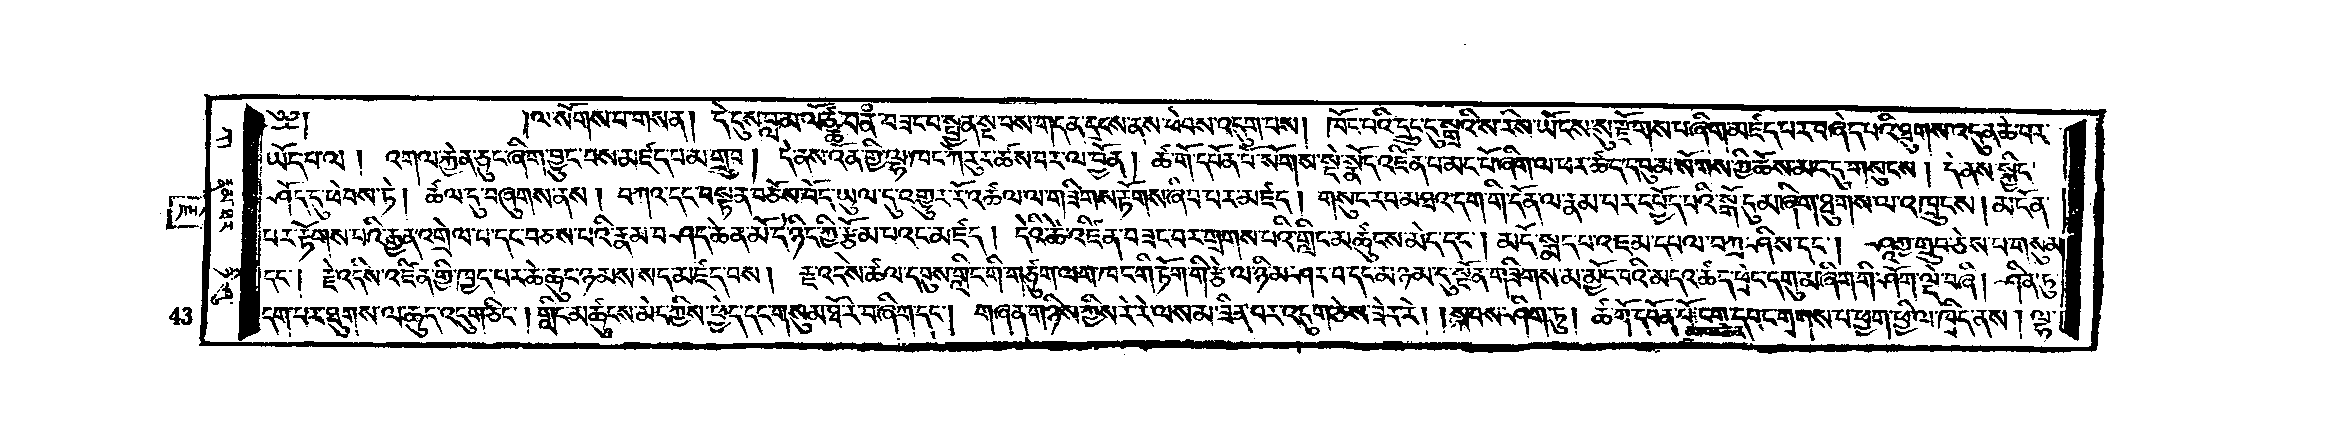༄༅། །ལ་སོགས་པ་གསན། དེ་དུས་བླ་མ་ལོཙྪ་བ་ནཾ་བཟང་པ་སྤྱན་སྔ་བས་གདན་དྲངས་ནས་ཕེབས་འདུག་པས། ཁོང་པའི་དྲུང་དུ་སྒྲའི་ས་རིས་ཡོངས་སུ་རྫོགས་པ་ཞིག་མཛད་པར་བཞེད་པའི་ཐུགས་འདུན་ཆེ་བར་
ཡོད་པ་ལ། འགལ་རྐྱེན་ཅུང་ཞིག་བྱུང་བས་མཛད་པ་མ་གྲུབ། དེ་ནས་འོན་གྱི་ལྷ་ཁང་ཀེ་རུར་ཚས་བར་ལ་བྱོན། ཚ་གོ་དཔོན་པོ་སོགས་སྡེ་སྣོད་འཛིན་པ་མང་པོ་ཞིག་ལ་ཕར་ཚད་དབུ་མ་སོགས་ཀྱི་ཆོས་མང་དུ་གསུངས། དེ་ནས་སྐྱིད་
ཤོད་དུ་ཕེབས་ཏེ། ཚལ་དུ་བཞུགས་ནས། བཀའ་དང་བསྟན་བཅོས་བོད་ཡུལ་དུ་འགྱུར་རོ་འཚལ་ལ་གཟིགས་རྟོགས་ཞིབ་པར་མཛད། གསུང་རབ་མཐའ་དག་གི་དོན་ལ་རྣམ་པར་དཔྱོད་པའི་སྒོ་དུམ་ཞིག་ཐུགས་ལ་འཁྲུངས། མངོན་
པར་རྟོགས་པའི་རྒྱན་འགྲེལ་པ་དང་བཅས་པའི་རྣམ་བཤད་ཆེན་མོ་དེ་ཉིད་ཀྱི་རྩོམ་པའང་མཛད། དེའི་ཚེ་འཛིན་བཟང་བར་གྲགས་པའི་གླིང་མཚུངས་མེད་དང་། མདོ་སྨད་པ་འཇམ་དཔལ་བཀྲ་ཤིས་དང་། ཤཱཀྱ་གྲུབ་ཅེས་པ་གསུམ་
དང་། རྗེ་འདིས་འཛིན་གྱི་ཁྱད་པར་ཆེ་ཆུང་ཉམས་སད་མཛད་པས། རྫ་འདེས་ཚལ་དབུས་གླིང་གི་གཙུག་ལག་ཁང་གི་ཏོག་གི་རྩེ་ལ་ཉི་མ་ཤར་བ་དང་མཉམ་དུ་སྔོན་གཟིགས་མ་མྱོང་བའི་མདའ་ཚད་ཕྲེང་དགུ་མ་ཞིག་གི་ཤོག་ལྡེ་བཞི། ཤིན་ཏུ་
དག་པར་ཐུགས་ལ་ཆུད་འདུག་ཅིང་། གླིང་མཚུངས་མེད་ཀྱིས་ཕྱེད་དང་གསུམ་ཐོ་རེ་བ་ཞིག་དང་། གཞན་གཉིས་ཀྱིས་རེ་རེ་ལས་མ་ཟིན་པར་འདུག་ཅེས་ཟེར་རེ། །སྐབས་ཤིག་ཏུ། ཚ་གོ་དཔོན་པོ་མཁན་ཆེན་ངག་དབང་གྲགས་པ་ཕྱག་ཕྱི་ལ་ཁྲིད་ནས། ལྷ་